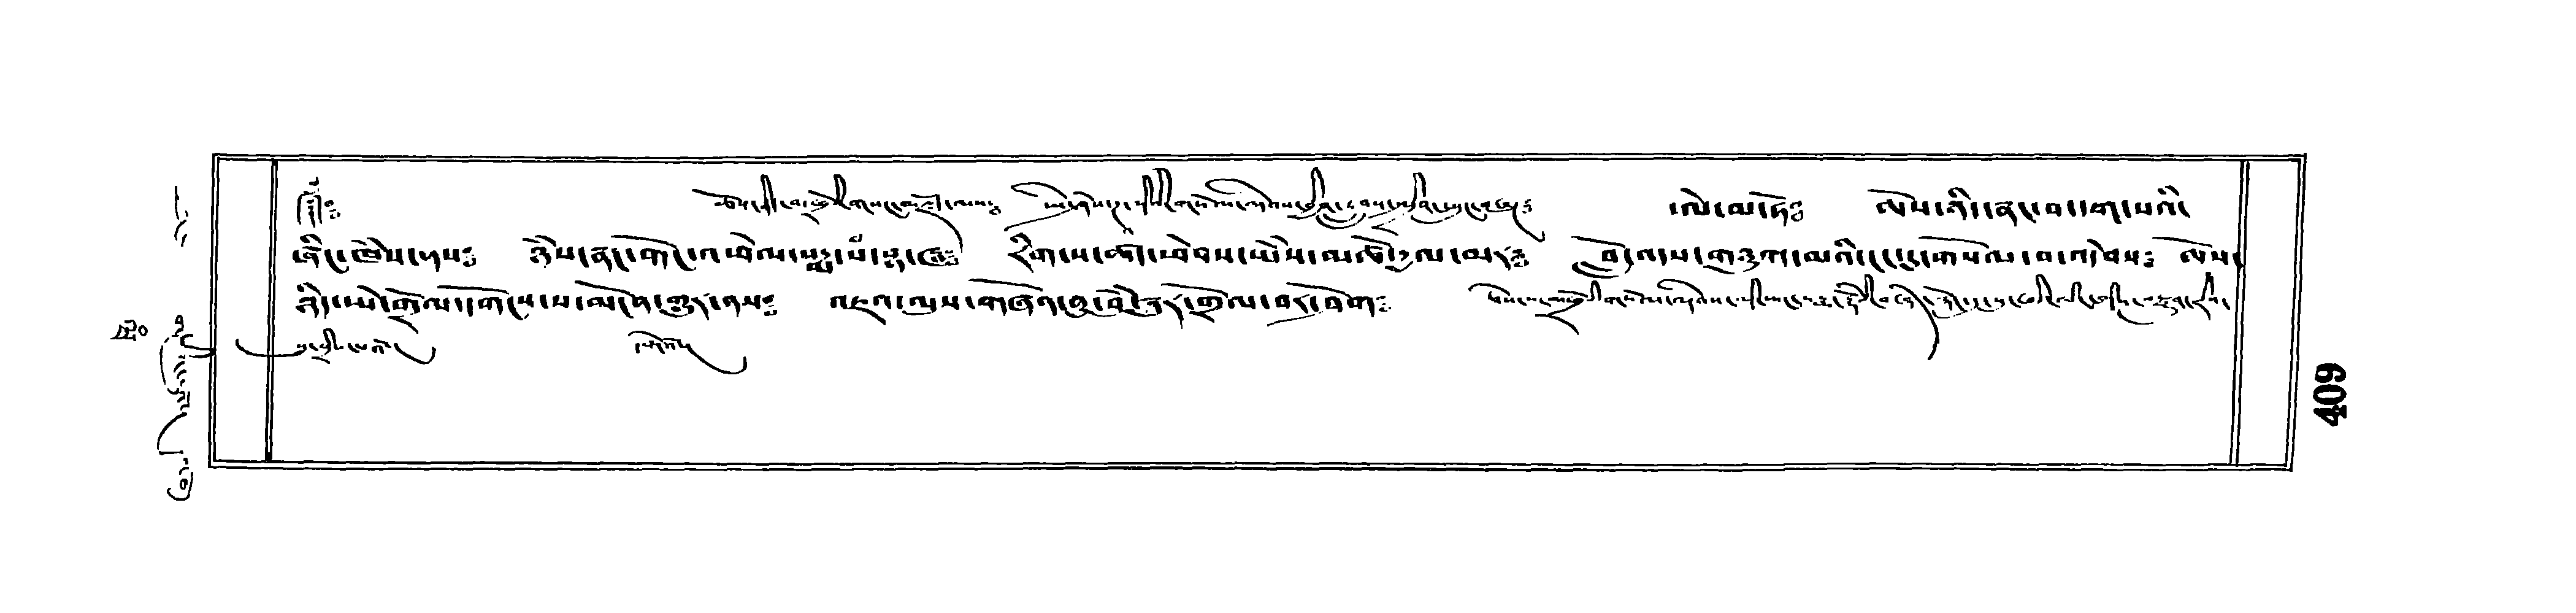ཆོས་ཉིད་མཁའ་འགྲོའི་གསང་མཛོད་ལས༔ ཡེ་ཤེས་ཌཱ་ཀིའི་གསོལ་འདེབས་བྱིན་རླབས་སྤྲིན་ཕུང་བཞུགས༔ ཨེ་མ་ཧོ༔ ཆོས་ཉིད་སྣང་བ་དག་པའི་
ཞིང་ཁམས་ནས༔ ཉམས་སྣང་གོང་འཕེལ་པདྨ་སཾ་བྷ་ཝ༔ རིག་པ་ཚད་ཕེབས་ཡེ་ཤེས་མཚོ་རྒྱལ་མར༔ བློ་འདས་གཉུག་མའི་ངང་དུ་གསོལ་བ་འདེབས༔ ཆོས་
ཉིད་ཡེ་གྲོལ་དགོངས་པ་མངོན་གྱུར་ནས༔ འཇའ་ལུས་གཞོན་ནུ་བུམ་སྐུར་གྲོལ་བར་ཤོག༔ ཅེས་པ་མཁའ་འགྲོའི་གསོལ་འདེབས་འདི་ཡང་པདྨ་རྡོ་རྗེའི་བཞེད་སྐོང་དུ་སུ་ཁའི་མིང་གིས་བརྫུན་རིས་
སུ་བྲིས་པའོ།།